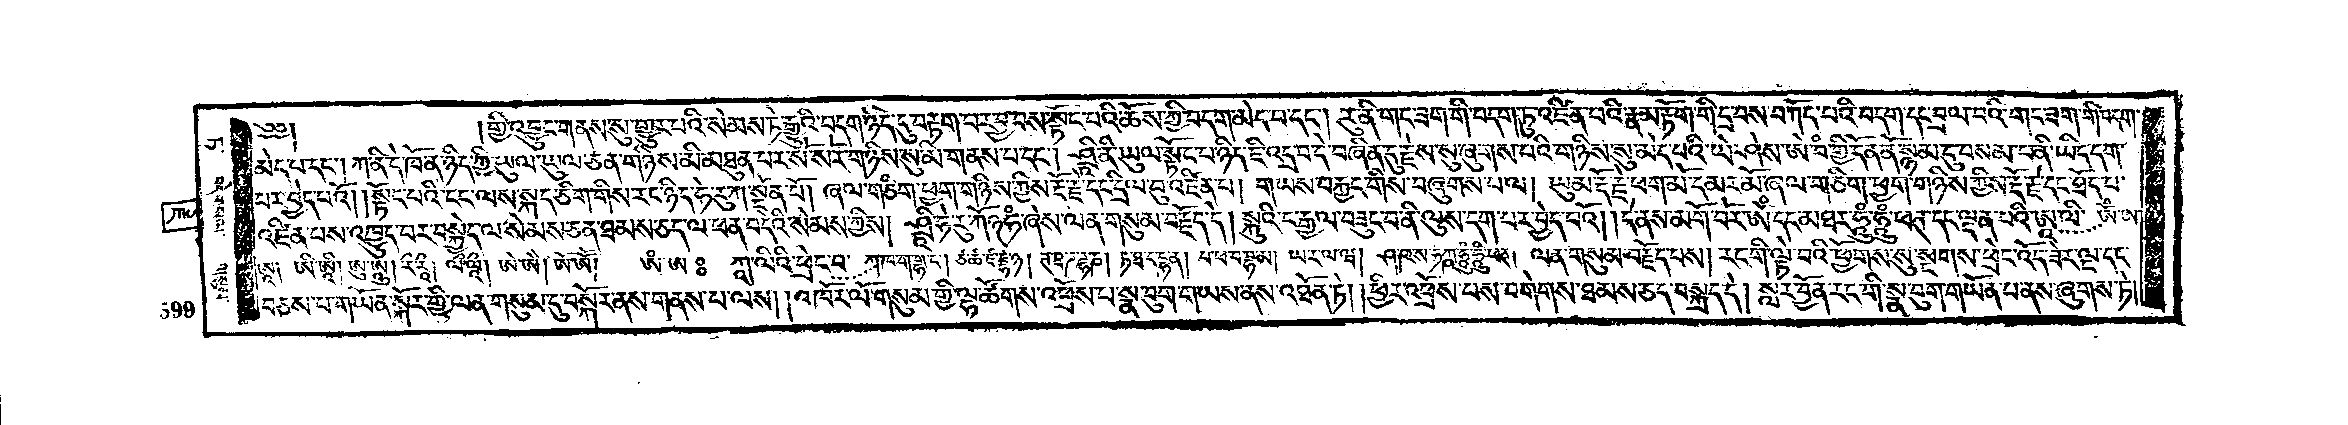༄༅། །གྱི་འབྱུང་གནས་སུ་གྱུར་པའི་སེམས་ཏེ་རྒྱུའི་བདག་ཉིད་དུ་བརྟག་པར་བྱ་བས་སྟོང་པའི་ཆོས་ཀྱི་བདག་མེད་པ་དང་། རུ་ནི་གང་ཟག་གི་བདག་ཏུ་འཛིན་པའི་རྣམ་རྟོག་གི་དྲ་བས་བཀོད་པའི་བདག་དང་བྲལ་བའི་གང་ཟག་གི་བདག་
མེད་པ་དང་། ཀ་ནི་དེ་ཁོ་ན་ཉིད་ཀྱི་ཡུལ་ཡུལ་ཅན་གཉིས་མི་མཐུན་པར་སོ་སོར་གཉིས་སུ་མི་གནས་པ་དང་། ཤྲཱི་ནི་ཡུལ་སྟོང་པ་ཉིད་ཇི་འདྲ་བ་དེ་བཞིན་དུ་རྗེས་སུ་ཞུགས་པའི་གཉིས་སུ་མེད་པའི་ཡེ་ཤེས་ཨེ་བཾ་གྱི་དོན་ནོ་སྙམ་དུ་བསམ་པ་ནི་ཡིད་དག་
པར་བྱེད་པའོ། །སྟོང་པའི་ངང་ལས་སྐད་ཅིག་གིས་རང་ཉིད་ཧེ་རུ་ཀ་སྔོན་པོ། ཞལ་གཅིག་ཕྱག་གཉིས་ཀྱིས་རྡོ་རྗེ་དང་དྲིལ་བུ་འཛིན་པ། གཡས་བརྐྱང་གིས་བཞུགས་པ་ལ། ཡུམ་རྡོ་རྗེ་ཕག་མོ་དམར་མོ་ཞལ་གཅིག་ཕྱག་གཉིས་ཀྱིས་རྡོ་རྗེ་དང་ཐོད་པ་
འཛིན་པས་འཁྱུད་པར་བསྐྱེད་ལ་སེམས་ཅན་ཐམས་ཅད་ལ་ཕན་བདེའི་སེམས་ཀྱིས། ཤྲཱི་ཧེ་རུ་ཀོཉྷཾ་ཞེས་ལན་གསུམ་བརྗོད་དེ། སྐུའི་ང་རྒྱལ་བཟུང་བ་ནི་ལུས་དག་པར་བྱེད་པའོ། །དེ་ནས་མགོ་བོར་ཨོཾ་དང་མཐར་ཧཱུཾ་ཧཱུཾ་ཕཊ་དང་ལྡན་པའི་ཨཱ་ལི་ཨོཾ་ཨ་
ཨཱ། ཨི་ཨཱི། ཨུ་ཨཱུ། རྀ་རཱྀ། ལྀ་ལཱྀ། ཨེ་ཨཻ། ཨོ་ཨཽ། ཨཾ་ཨཿ ཀཱ་ལིའི་ཕྲེང་བ་ཀ་ཁ་ག་གྷ་ང་། ཙ་ཚ་ཛ་ཛྷ་ཉ། ཊ་ཊཿཨ་ཌ་ཌྷ་ཎ། ཏ་ཐ་ད་དྷ་ན། པ་ཕ་བ་བྷ་མ། ཡ་ར་ལ་ཝ། ཤ་ཥ་ས་ཧཀྵ་ཧཱུཾ་ཧཱུཾ་ཕཊ།  ལན་གསུམ་བརྗོད་པས། རང་གི་ལྟེ་བའི་ཕྱོགས་སུ་སྔགས་ཕྲེང་འོད་ཟེར་ལྔ་དང་
བཅས་པ་གཡོན་སྐོར་གྱི་ལན་གསུམ་དུ་བསྐོར་ནས་གནས་པ་ལས། །འཁོར་ལོ་གསུམ་གྱི་ལྷ་ཚོགས་འཕྲོས་པ་སྣ་བུག་གཡས་ནས་འཐོན་ཏེ། །ཕྱིར་འཕྲོས་པས་བགེགས་ཐམས་ཅད་བསྐྲད་དེ། སླར་བྱོན་རང་གི་སྣ་བུག་གཡོན་པ་ནས་ཞུགས་ཏེ།